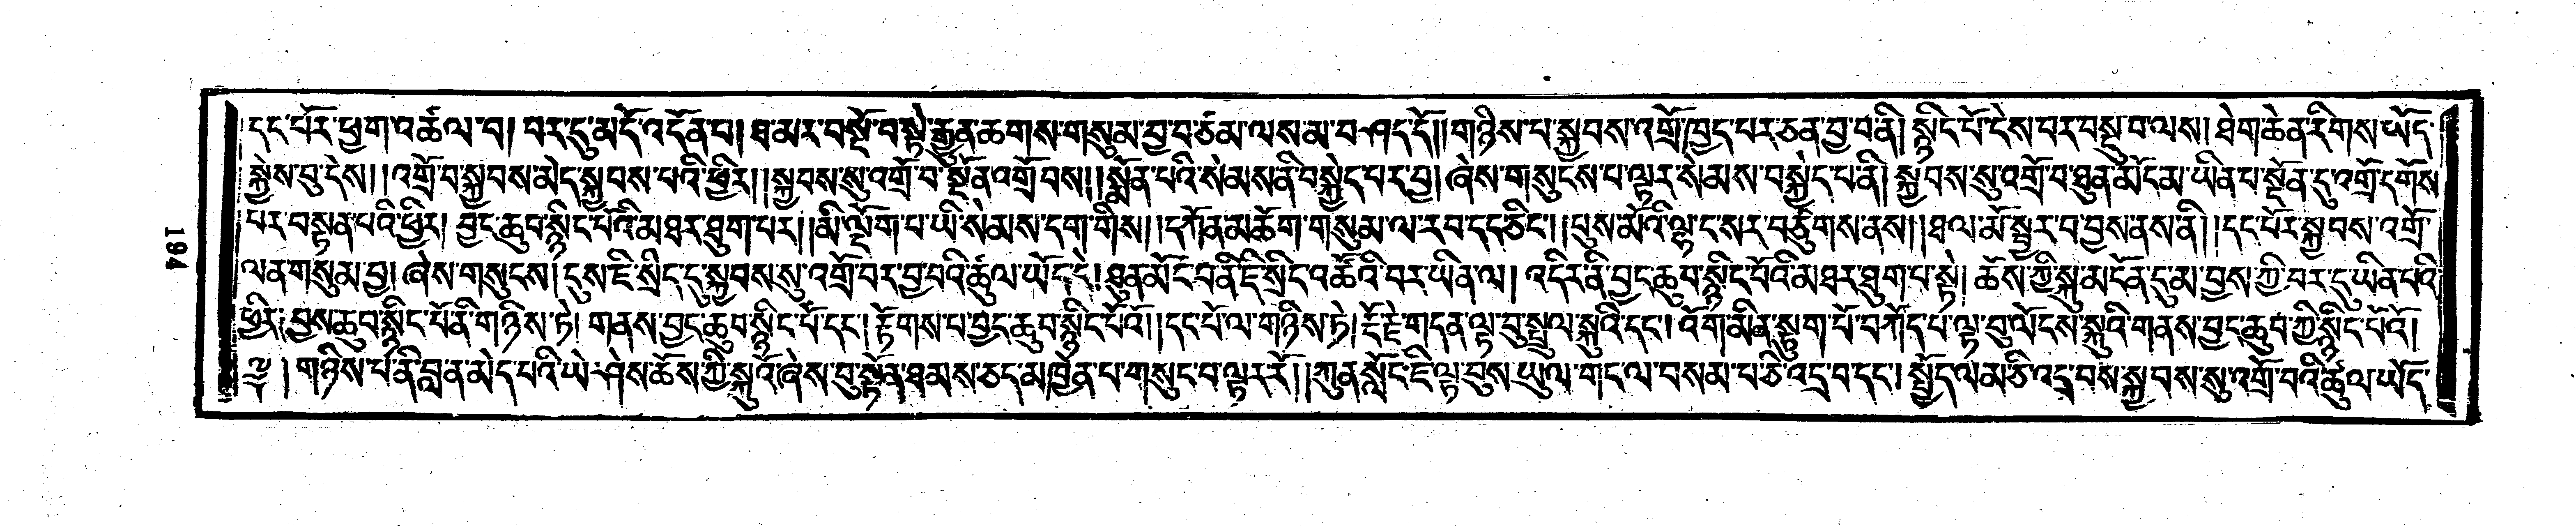དང་པོར་ཕྱག་འཚལ་བ། བར་དུ་མདོ་འདོན་པ། ཐ་མར་བསྔོ་བ་སྟེ་རྒྱུན་ཆགས་གསུམ་བྱ་བ་ཙམ་ལས་མ་བཤད་དོ། གཉིས་པ་སྐྱབས་འགྲོ་ཁྱད་པར་ཅན་བྱ་བ་ནི། སྙིང་པོ་ངེས་པར་བསྡུ་བ་ལས། ཐེག་ཆེན་རིགས་ཡོད་
སྐྱེས་བུ་དེས། །འགྲོ་བ་སྐྱབས་མེད་སྐྱབས་པའི་ཕྱིར། །སྐྱབས་སུ་འགྲོ་བ་སྔོན་འགྲོ་བས། །སྨོན་པའི་སེམས་ནི་བསྐྱེད་པར་བྱ། ཞེས་གསུངས་པ་ལྟར་སེམས་བསྐྱེད་པ་ནི། སྐྱབས་སུ་འགྲོ་བ་ཐུན་མོང་མ་ཡིན་པ་སྔོན་དུ་འགྲོ་དགོས་
པར་བསྟན་པའི་ཕྱིར། བྱང་ཆུབ་སྙིང་པོའི་མཐར་ཐུག་པར། །མི་ལྡོག་པ་ཡི་སེམས་དག་གིས། །དཀོན་མཆོག་གསུམ་ལ་རབ་དད་ཅིང་། །པུས་མོའི་ལྷ་ང་སར་བཙུགས་ནས། །ཐལ་མོ་སྦྱར་བ་བྱས་ནས་ནི། །དང་པོར་སྐྱབས་འགྲོ་
ལན་གསུམ་བྱ། ཞེས་གསུངས། དུས་ཇི་སྲིད་དུ་སྐྱབས་སུ་འགྲོ་བར་བྱ་བའི་ཚུལ་ཡོད་དེ། ཐུན་མོང་བ་ནི་ཇི་སྲིད་འཚོའི་བར་ཡིན་ལ། འདིར་ནི་བྱང་ཆུབ་སྙིང་པོའི་མཐར་ཐུག་པ་སྟེ། ཆོས་ཀྱི་སྐུ་མངོན་དུ་མ་བྱས་ཀྱི་བར་དུ་ཡིན་པའི་
ཕྱིར། བྱས་ཆུབ་སྙིང་པོ་ནི་གཉིས་ཏེ། གནས་བྱང་ཆུབ་སྙིང་པོ་དང་། རྟོགས་པ་བྱང་ཆུབ་སྙིང་པོའོ། །དང་པོ་ལ་གཉིས་ཏེ། རྡོ་རྗེ་གདན་ལྟ་བུ་སྤྲུལ་སྐུའི་དང་། འོག་མིན་སྟུག་པོ་བཀོད་པ་ལྟ་བུ་ལོངས་སྐུའི་གནས་བྱང་ཆུབ་ཀྱི་སྙིང་པོའོ།
༈ །གཉིས་པ་ནི་བླ་ན་མེད་པའི་ཡེ་ཤེས་ཆོས་ཀྱི་སྐུའོ་ཞེས་བུ་སྟོན་ཐམས་ཅད་མཁྱེན་པ་གསུང་པ་ལྟར་རོ། །ཀུན་སློང་ཇི་ལྟ་བུས་ཡུལ་གང་ལ་བསམ་པ་ཅི་འདྲ་བ་དང་། སྤྱོད་ལམ་ཅི་འདྲ་བས་སྐྱབས་སུ་འགྲོ་བའི་ཚུལ་ཡོད་